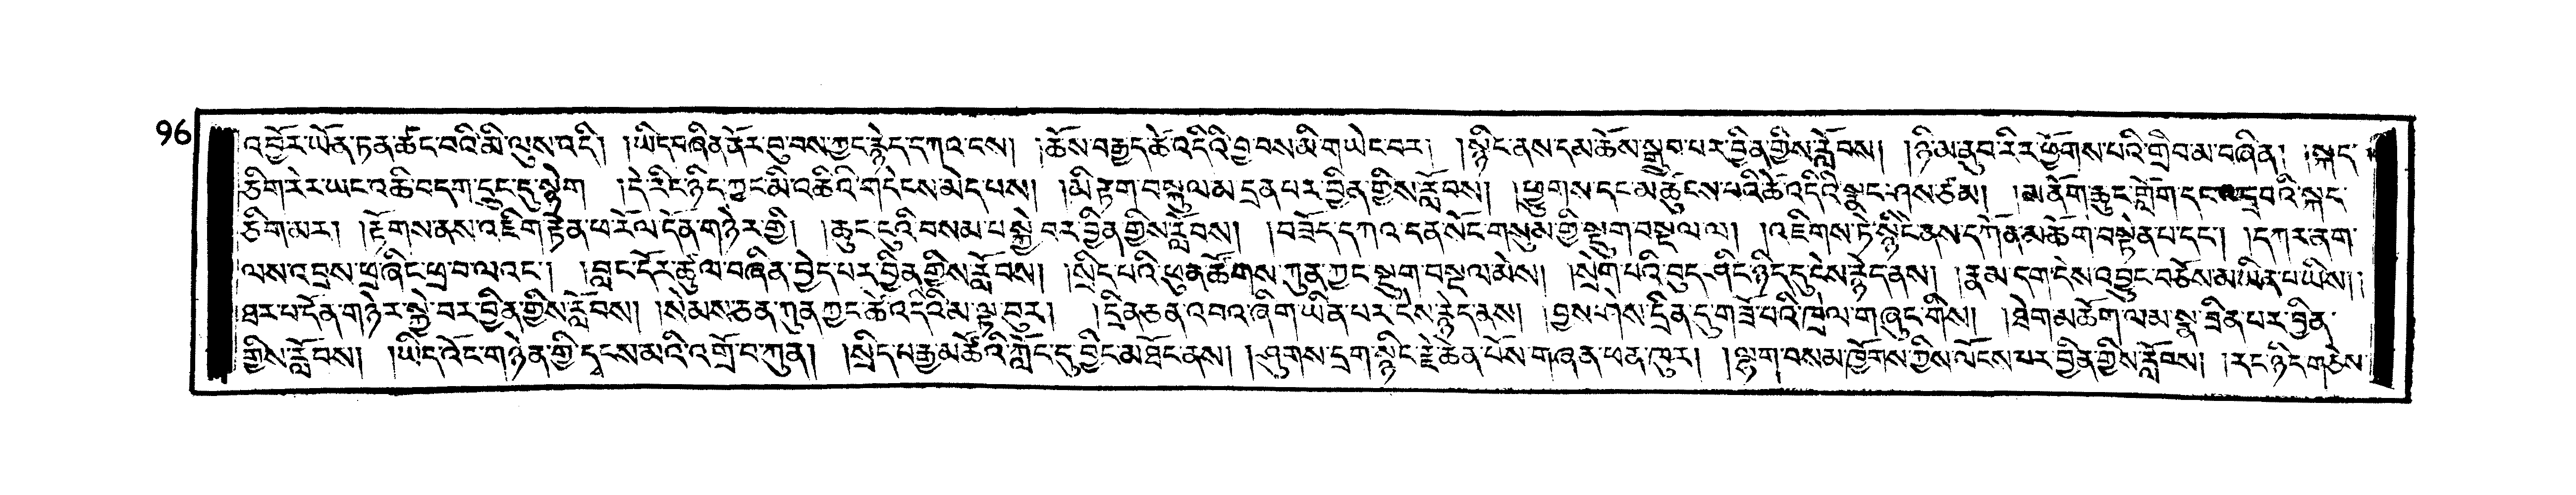འབྱོར་ཡོན་ཏན་ཚང་བའི་མི་ལུས་འདི། །ཡིད་བཞིན་ནོར་བུ་བས་ཀྱང་རྙེད་དཀའ་ངས། །ཆོས་བརྒྱད་ཚེ་འདིའི་བྱ་བས་མི་གཡེང་བར། །སྙིང་ནས་དམ་ཆོས་སྒྲུབ་པར་བྱིན་གྱིས་རློབས། །ཉི་མ་ནུབ་རིར་ཕྱོགས་པའི་གྲིབ་མ་བཞིན། །སྐད་
ཅིག་རེར་ཡང་འཆི་བདག་དྲུང་དུ་སྟེག །དེ་རིང་ཉིད་ཀྱང་མི་འཆིའི་གདེངས་མེད་པས། །མི་རྟག་བསྐུལ་མ་དྲན་པར་བྱིན་གྱིས་རློབས། །ཕྱུགས་དང་མཚུངས་པའི་ཚེ་འདིའི་སྣང་ཤས་ཙམ། །མནོག་ཆུང་གློག་དང་འདྲ་བའི་སྐད་
ཅིག་མར། །རྟོགས་ནས་འཇིག་རྟེན་ཕ་རོལ་དོན་གཉེར་གྱི། །ཆུང་ངུའི་བསམ་པ་སྐྱེ་བར་བྱིན་གྱིས་རློབས། །བཟོད་དཀའ་ངན་སོང་གསུམ་གྱི་སྡུག་བསྔལ་ལ། །འཇིགས་ཏེ་སྙིང་ནས་དཀོན་མཆོག་བསྟེན་པ་དང་། །དཀར་ནག་
ལས་འབྲས་ཕྲ་ཞིང་ཕྲ་བ་ལའང་། །བླང་དོར་ཚུལ་བཞིན་བྱེད་པར་བྱིན་གྱིས་རློབས། །སྲིད་པའི་ཕུན་ཚོགས་ཀུན་ཀྱང་སྡུག་བསྔལ་མེས། །སྲེག་པའི་བུད་ཤིང་ཉིད་དུ་ངེས་རྙེད་ནས། །རྣམ་དག་ངེས་འབྱུང་བཅོས་མ་ཡིན་པ་ཡིས། །
ཐར་པ་དོན་གཉེར་སྐྱེ་བར་བྱིན་གྱིས་རློབས། །སེམས་ཅན་ཀུན་ཀྱང་ཚེ་འདིའི་མ་ལྟ་བུར། །དྲིན་ཅན་འབའ་ཞིག་ཡིན་པར་ངེས་རྙེད་ནས། །བྱས་ཤེས་དྲིན་དུ་གཟོ་བའི་ཁྲེལ་གཞུང་གིས། །ཐེག་མཆོག་ལམ་སྣ་ཟིན་པར་བྱིན་
གྱིས་རློབས། །ཡིད་འོང་གཉེན་གྱི་དྭངས་མའི་འགྲོ་བ་ཀུན། །སྲིད་པ་རྒྱ་མཚོའི་ཀློང་དུ་བྱིང་མཐོང་ནས། །ཤུགས་དྲག་སྙིང་རྗེ་ཆེན་པོས་གཞན་ཕན་ཁུར། །ལྷག་བསམ་ཁྱོགས་ཀྱིས་ལོངས་པར་བྱིན་གྱིས་རློབས། །རང་ཉིད་གཅེས་